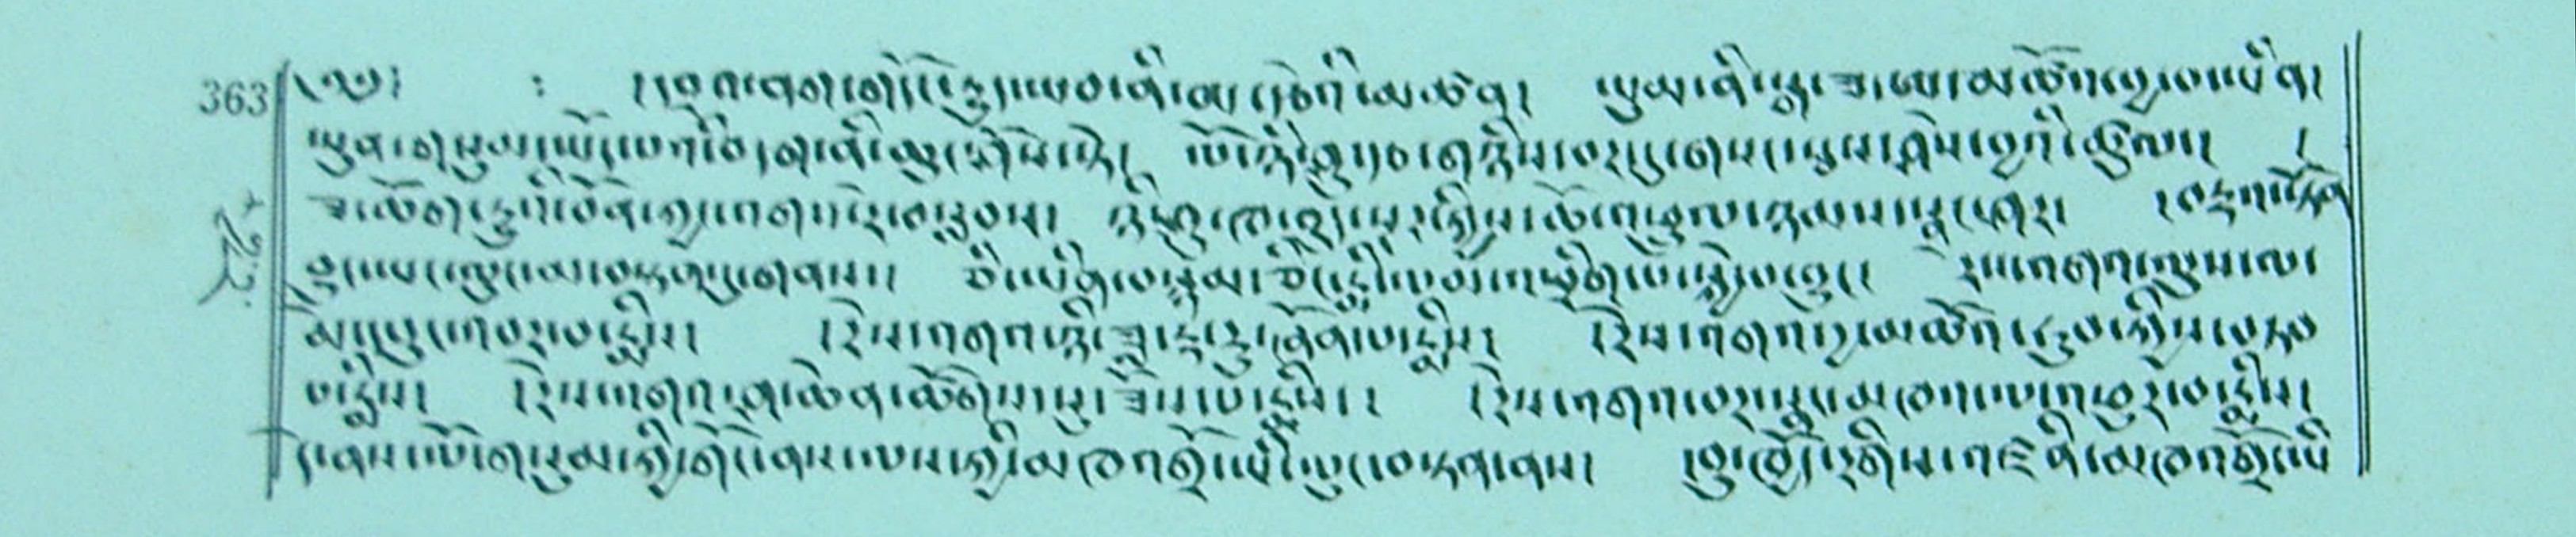༄༅། །དབྲའ་ནག་གདུང་རྒྱུད་ཡབ་ནི་ཨ་རྩེའི་མཚན། ཡུམ་ནི་སྒ་ཟ་ཨ་མཚོའ་བྱ་བ་ཡིན། 
སྤུན་གསུམ་ཡོད་པའི་བདག་ནི་ཆུང་ཤོས་ཏེ། ལོ་ཉི་ཤུ་རྩ་གཉིས་བར་དུ་གསང་སྦས་ཤེས་བྱའི་ཚུལ། 
ཟ་ཆོག་རྒྱུའི་བོན་ཀྱང་འགའ་རེ་བསླབས། ཉི་ཤུ་ཁ་བུད་སྔར་གྱི་ཆོ་འཕྲུལ་ཉམས་སྣང་ཤར། བརྡའ་སྟོན་
བྱུང་ཡང་ལུང་མ་བསྟན་དུ་གནས། ཅི་ཡིན་བསྙམ་ཅིང་རྨི་ལམ་འཁྲིག་པ་སྐྱེ་བ་བྱུང་། རེས་འགའ་ལུས་ལ་
མེ་དཔུང་འབར་བ་རྨིས། རེས་འགའ་ཉི་ཟླ་རྟ་རུ་ཞོན་པ་རྨིས། རེས་འགའ་རྒྱ་མཚོའ་ཧུབ་ཀྱིས་བཏབ་
པ་རྨིས། རེས་འགའ་ཤ་ཆེན་ཚོགས་སུ་ཟོས་པ་རྨིས། རེས་འགའ་བར་སྣང་མཁའ་ལ་འཕུར་ལ་རྨིས། 
དེ་ནས་ལོ་གསུམ་གྱི་གོང་ནས་ལས་ཀྱི་མཁའ་འགྲོ་ཡིས་ལུང་བསྟན། བུ་ཁྱོད་རིགས་འཛིན་མཁའ་འགྲོ་ཡི་